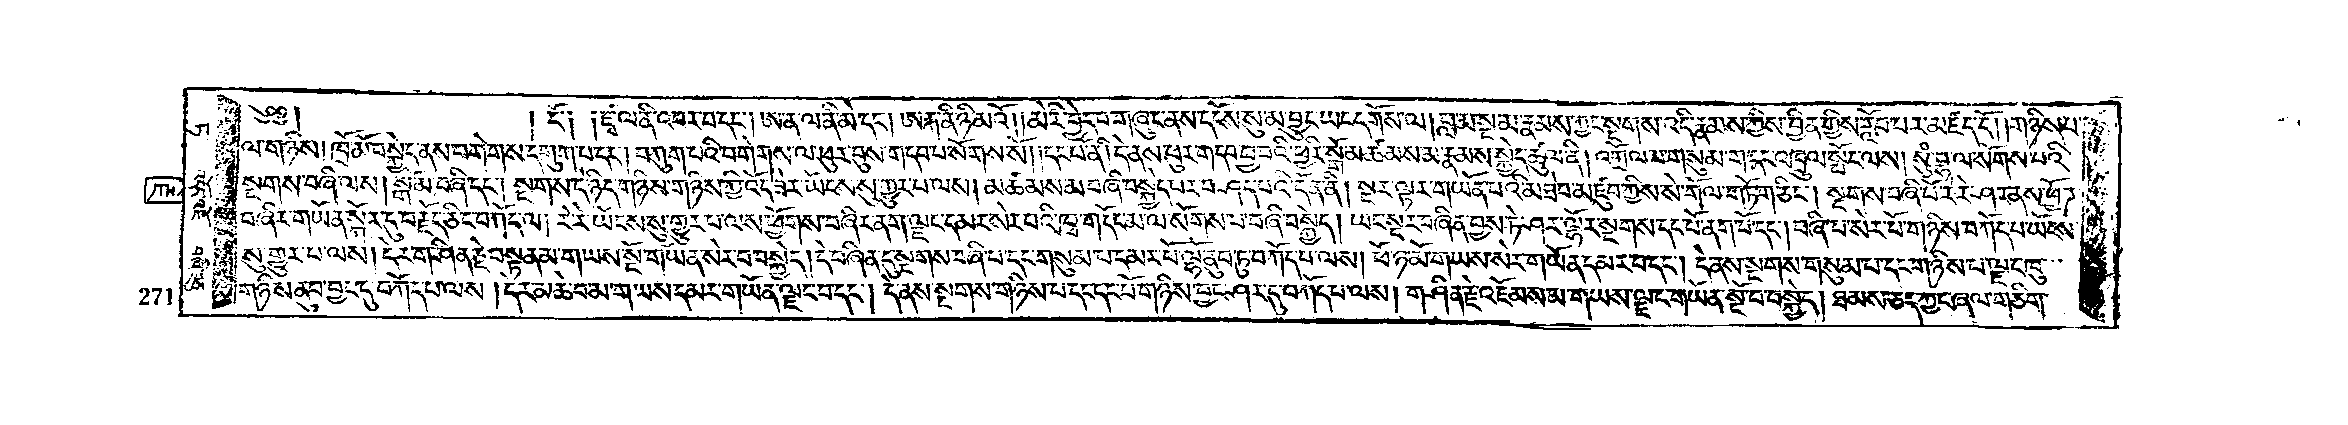༄༅། །ངོ། །ཛྭ་ལ་ནི་འབར་བ་དང་། ཨ་ན་ལ་ནི་མེ་དང་། ཨརྐ་ནི་ཉི་མའོ། །མེ་རི་བྱེད་པ་གཞུང་ནས་དངོས་སུ་མ་བྱུང་ཡང་དགོས་ལ། བླ་མ་སྔ་མ་རྣམས་ཀྱང་སྔགས་འདི་རྣམས་ཀྱིས་བྱིན་གྱིས་རློབ་པར་མཛད་དོ། །གཉིས་པ་
ལ་གཉིས། ཁྲོ་མོ་བསྐྱེད་ནས་བགེགས་དགུག་པ་དང་། བཀུག་པའི་བགེགས་ལ་ཕུར་བུས་གདབ་པ་སོགས་སོ། །དང་པོ་ནི། དེ་ནས་ཕུར་གདབ་བྱ་བའི་ཕྱིར་སྒོ་མཚམས་མ་རྣམས་སྐྱེད་ཚུལ་ནི། འགྲེལ་པ་གསུམ་ག་དང་འཁྲུལ་སྤོང་ལས། སུཾ་བྷ་ལ་སོགས་པའི་
སྔགས་བཞི་ལས། སྒོ་མ་བཞི་དང་། སྔགས་དེ་ཉིད་གཉིས་གཉིས་ཀྱི་འོད་ཟེར་ཡོངས་སུ་གྱུར་པ་ལས། མཚམས་མ་བཞི་བསྐྱེད་པར་བཤད་པའི་དོན་ནི། སྔར་ལྟར་གཡོན་པའི་མཐེབ་མཛུབ་ཀྱིས་སེ་གོལ་གཏོག་ཅིང་། སྔགས་བཞི་པོ་རེ་རེ་ཤར་ནས་ཕྱོགས་
བཞིར་གཡོན་སྐོར་དུ་བརྗོད་ཅིང་བཀོད་ལ། རེ་རེ་ཡོངས་སུ་གྱུར་པ་ལས་ཕྱོགས་བཞིར་ནག་ལྗང་དམར་སེར་བའི་ཁྭ་གདོང་མ་ལ་སོགས་པ་བཞི་བསྐྱེད། ཡང་སྔར་བཞིན་བྱས་ཏེ་ཤར་ལྷོར་སྔགས་དང་པོ་ནག་པོ་དང་། བཞི་པ་སེར་པོ་གཉིས་བཀོད་པ་ཡོངས་
སུ་གྱུར་པ་ལས། དེར་གཤིན་རྗེ་བསྟན་མ་གཡས་སྔོ་གཡོན་སེར་བ་བསྐྱེད། དེ་བཞིན་དུ་སྔགས་བཞི་པ་དང་གསུམ་དམར་བ་ཧོ་ནུབ་ཏུ་བཀོད་པ་ལས། ཕོ་ཉ་མོ་གཡས་སེར་གཡོན་དམར་བ་དང་། དེ་ནས་སྔགས་གསུམ་པ་དང་གཉིས་པ་ལྗང་ཁུ་
གཉིས་ནུབ་བྱང་དུ་བཀོད་པ་ལས། དེར་མཆེ་བ་མ་གཡས་དམར་གཡོན་ལྗང་བ་དང་། དེ་ནས་སྔགས་གཉིས་པ་དང་དང་པོ་གཉིས་བྱང་ཤར་དུ་བཀོད་པ་ལས། གཤིན་རྗེ་འཇོམས་མ་གཡས་ལྗང་གཡོན་སྔོ་བ་བསྐྱེད། ཐམས་ཅད་ཀྱང་ཞལ་གཅིག་